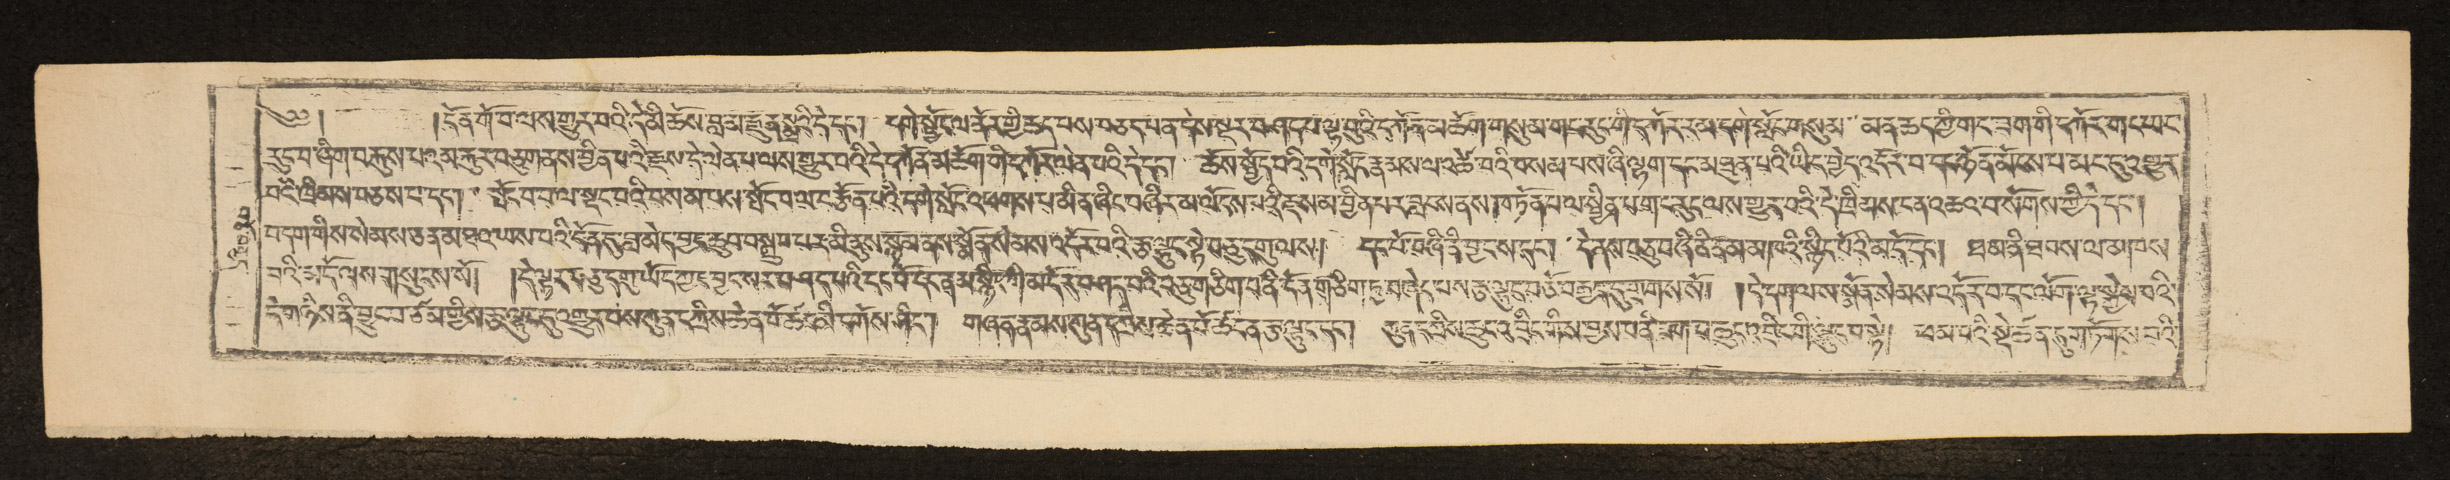༄༅། །དོན་གོ་བ་ལས་གྱུར་བའི་དེ་མི་ཆོས་བླ་མ་རྫུན་སྨྲའི་དེ་དང་། དགེ་སྦྱོང་ལ་ནོར་གྱི་ཆད་པས་བཅད་པ་ན་དེས་སྔར་བཤད་པ་ལྟ་བུའི་དཀོན་མཆོག་གསུམ་གང་རུང་གི་དཀོན་རམ་དགེ་སློང་གསུམ་མན་ཆད་ཀྱི་གང་ཟག་གི་དཀོར་གང་ཡང་
རུང་བ་ཞིག་བརྐུས་པའམ་རྐུར་བཅུག་ནས་བྱིན་པའི་རྫས་དེ་ལེན་པ་ལས་གྱུར་པའི་དེ་དཀོན་མཆོག་གི་དཀོར་ལེན་པའི་དེ་དང་། ཆོས་སྤྱོད་པའི་དགེ་སློང་རྣམས་ལ་འཚེ་བའི་བསམ་པས་ཞི་ལྷག་དང་མཐུན་པའི་ཡིད་བྱེད་འདོར་བ་དང་ཉོན་མོངས་པ་མང་དུ་འགྱུར་
བའི་ཁྲིམས་བཅས་པ་དང་། སྤོང་བ་པ་ལ་སྡང་བའི་བསམ་པས་སྤོང་བ་ལ་བརྩོན་པའི་དགེ་སློང་འཕགས་པ་མིན་ཞིང་བཞིར་མ་ལོངས་པའི་རྫས་མ་བྱིན་པར་བླངས་ནས་ཁ་ཏོན་པ་ལ་སྦྱིན་པ་གང་རུང་ལས་གྱུར་བའི་དེ་ཁྲིམས་ངན་འཆའ་བ་སོགས་ཀྱི་དེ་དང་།
བདག་གིས་སེམས་ཅན་མཐའ་ཡས་པའི་དོན་དུ་བླ་མེད་བྱང་ཆུབ་བསྒྲུབ་པར་མི་ནུས་སྙམ་ནས་སྨོན་སེམས་འདོར་བའི་རྩ་ལྟུང་སྟེ་བཅུད་གུ་ལས། དང་པོ་བཞི་ནི་བྱངས་དང་། དེ་ནས་བཅུ་བཞི་ནི་ནམ་མཁའི་སྙིང་པོའི་མདོ་དང་། ཐ་མ་ནི་ཐབས་ལ་མཁས་
པའི་མདོ་ལས་གསུངས་སོ། །དེ་ལྟར་བཅུ་དགུ་ཡོད་ཀྱང་བྱང་སར་བཤད་པའི་དང་པོ་དང་ནམ་སྙིང་གི་མདོར་བཤད་པའི་བཅུ་གཅིག་པ་ནི་དོན་གཅིག་ཏུ་བཞེད་པས་རྩ་ལྟུང་བཅོ་བརྒྱད་དུ་གྲགས་སོ། །དེ་དག་ལས་སྨོན་སེམས་འདོར་བ་དང་ལོག་ལྟ་སྐྱེས་པའི་
དེ་གཉིས་ནི་བྱུང་བ་ཙམ་གྱིས་རྩ་ལྟུང་དུ་འགྱུར་བས་ཀུན་དཀྲིས་ཆེན་པོ་ཚང་མི་དགོས་ཤིང་། གཞན་རྣམས་ཀུན་དཀྲིས་ཆེན་པོ་ཚང་ན་རྩ་ལྟུང་དང་། ཀུན་དཀྲིས་ཆུང་འབྲིང་གིས་བྱས་པ་ནི་ཟག་པ་ཆུང་འབྲིང་གི་ལྟུང་བ་སྟེ། ཕམ་པའི་སྡེ་ཚན་དུ་གཏོགས་པའི་